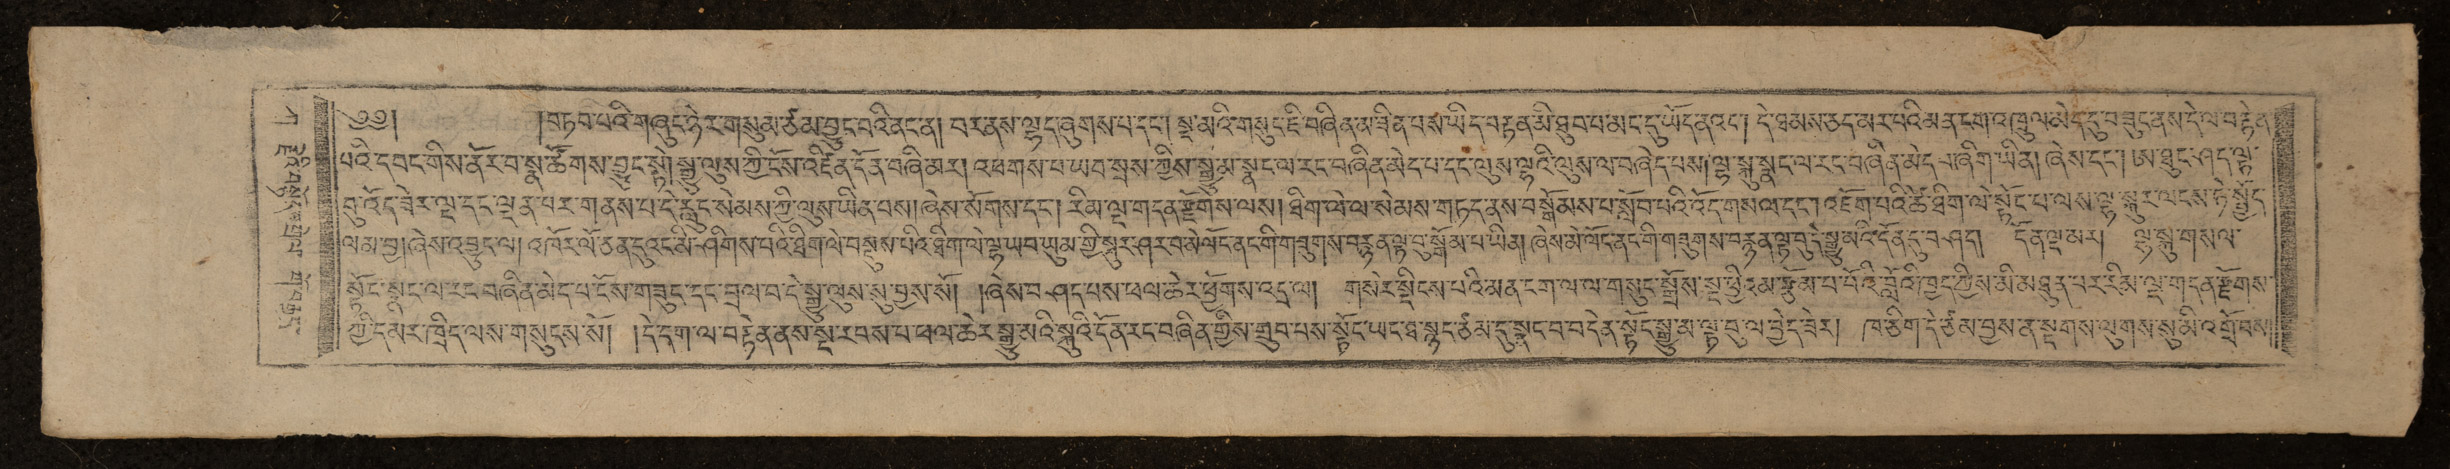༄༅། །བཏབ་པའི་གཞུང་ཉེར་གསུམ་ཙམ་བྱང་བའི་ནང་ན། བར་ནས་ལྷད་ཞུགས་པ་དང་། སྔ་མའི་གསུང་ཇི་བཞིན་མ་ཟིན་པས་ཡིད་བརྟན་མི་ཐུབ་པ་མང་དུ་ཡོད་ནའང་། དེ་ཐམས་ཅད་མར་བའི་མན་ངག་འཁྲུལ་མེད་དུ་བཟུང་ནས་དེ་ལ་བརྟེན་
པའི་དབང་གིས་ནོར་བ་སྣ་ཚོགས་བྱུང་སྟེ། སྒྱུ་ལུས་ཀྱི་ངོས་འཛིན་དོན་བཞི་མར། འཕགས་པ་ཡབ་སྲས་ཀྱིས་སྒྱུ་མ་སྣང་ལ་རང་བཞིན་མེད་པ་དང་ལུས་ལྷའི་ལུས་ལ་བཞེད་པས། ལྷ་སྐུ་སྣང་ལ་རང་བཞིན་མེད་བ་ཞིག་ཡིན། ཞེས་དང་། ཨ་ཐུང་ཤད་ལྟ་
བུ་འོད་ཟེར་ལྔ་དང་ལྡན་པར་གནས་པ་དེ་རླུང་སེམས་ཀྱི་ལུས་ཡིན་པས། ཞེས་སོགས་དང་། རིམ་ལྔ་གདན་རྫོགས་ལས། ཐིག་ལེ་ལ་སེམས་གཏད་ནས་བསྒོམས་པ་སློབ་པའི་འོད་གསལ་དང་། འཇོག་པའི་ཚེ་ཐིག་ལེ་སྟོང་པ་ལས་ལྷ་སྐུར་ལངས་ཏེ་སྤྱོད་
ཡམ་བྱ། ཞེས་འབྱུང་ལ། འཁོར་ལོ་ཅན་དུ་འང་མི་ཤིགས་པའི་ཐིག་ལེ་བསྡུས་པའི་ཐིག་ལེ་ལྷ་ཡབ་ཡུམ་གྱི་སྐུར་ཤར་བ་མེ་ལོང་ནང་གི་གཟུགས་བརྙན་ལྟ་བུ་སྒོམ་པ་ཡིན། ཞེས་མེ་ལོང་ནང་གི་གཟུགས་བརྙན་ལྟ་བུ་དེ་སྒྱུ་མའི་དོན་དུ་བཤད། དོན་ལྔ་མར། ལྷ་སྐུ་གསལ་
སྟོང་སྣང་ལ་རང་བཞིན་མེད་པ་ངོས་གཟུང་དང་བྲལ་བ་དེ་སྒྱུ་ལུས་སུ་བྱས་སོ། །ཞེས་བཤད་པས་ཕལ་ཆེར་ཕྱོགས་འདྲ་ལ། གསེར་སྡིངས་པའི་མན་ངག་ལ་ལ་གསུང་སྒྲོས་སྔ་ཕྱིའམ་རྩོམ་པ་པོའི་བློའི་ཁྱད་ཀྱིས་མི་མཐུན་པར་རིམ་ལྔ་གདན་རྫོགས་
ཀྱི་དམར་ཁྲིད་ལས་གསུངས་སོ། །དེ་དག་ལ་བརྟེན་ནས་སྔ་རབས་པ་ཕལ་ཆེར་སྒྱུ་མའི་སྐུའི་དོན་རང་བཞིན་གྱིས་གྲུབ་པས་སྟོང་ཡང་ཐ་སྙད་ཙམ་དུ་སྣང་བ་བདེན་སྟོང་སྒྱུ་མ་ལྟ་བུ་ལ་བྱེད་ཟེར། ཁ་ཅིག་དེ་ཙམ་བྱས་ན་སྔགས་ལུགས་སུ་མི་འགྲོ་བས།